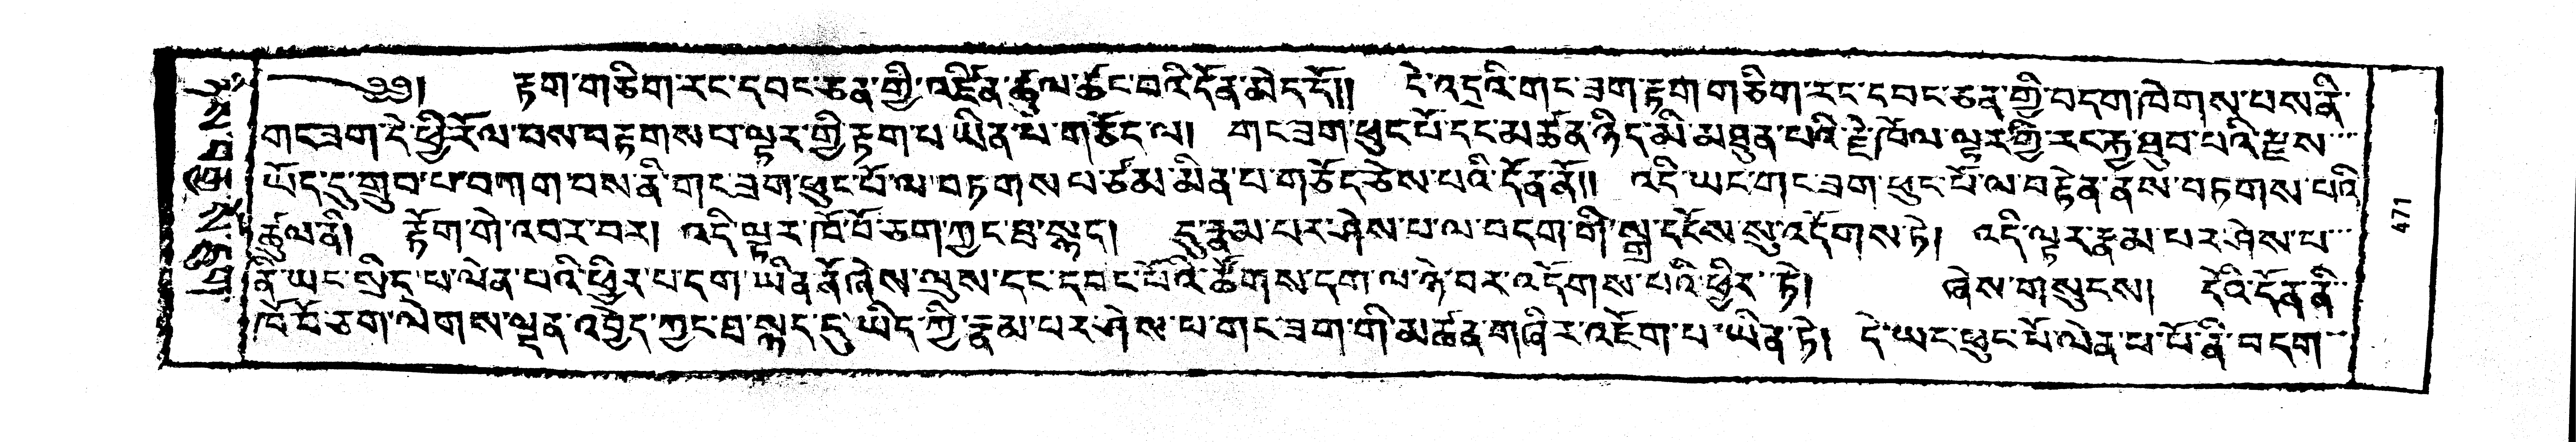༄༅། །རྟག་གཅིག་རང་དབང་ཅན་གྱི་འཛིན་ཚུལ་ཚང་བའི་དོན་མེད་དོ།། དེ་འདྲའི་གང་ཟག་རྟག་གཅིག་རང་དབང་ཅན་གྱི་བདག་ཁེགས་པས་ནི་
གང་ཟག་དེ་ཕྱི་རོལ་བས་བརྟགས་པ་ལྟར་གྱི་རྟག་པ་ཡིན་པ་གཅོད་ལ། གང་ཟག་ཕུང་པོ་དང་མཚན་ཉིད་མི་མཐུན་པའི་རྗེ་ཁོལ་ལྟར་གྱི་རང་རྐྱ་ཐུབ་པའི་རྫས་
ཡོད་དུ་གྲུབ་པ་བཀག་པས་ནི་གང་ཟག་ཕུང་པོ་ལ་བཏགས་པ་ཙམ་མིན་པ་གཅོད་ཅེས་པའི་དོན་ནོ།། འདི་ཡང་གང་ཟག་ཕུང་པོ་ལ་བརྟེན་ནས་བཏགས་པའི་
ཚུལ་ནི། རྟོག་གེ་འབར་བར། འདི་ལྟར་ཁོ་བོ་ཅག་ཀྱང་ཐ་སྙད། དུ་རྣམ་པར་ཤེས་པ་ལ་བདག་གི་སྒྲ་དངོས་སུ་འདོགས་ཏེ། འདི་ལྟར་རྣམ་པར་ཤེས་པ་
ནི་ཡང་སྲིད་པ་ལེན་པའི་ཕྱིར་པ་དག་ཡིན་ནོ་ཞེས་ལུས་དང་དབང་པོའི་ཚོགས་དག་ལ་ཉེ་བར་འདོགས་པའི་ཕྱིར་ཏེ། ཞེས་གསུངས། དེའི་དོན་ནི་
ཁོ་བོ་ཅག་ལེགས་ལྡན་འབྱེད་ཀྱང་ཐ་སྙད་དུ་ཡིད་ཀྱི་རྣམ་པར་ཤེས་པ་གང་ཟག་གི་མཚན་གཞིར་འཇོག་པ་ཡིན་ཏེ། དེ་ཡང་ཕུང་པོ་ལེན་པ་པོ་ནི་བདག་